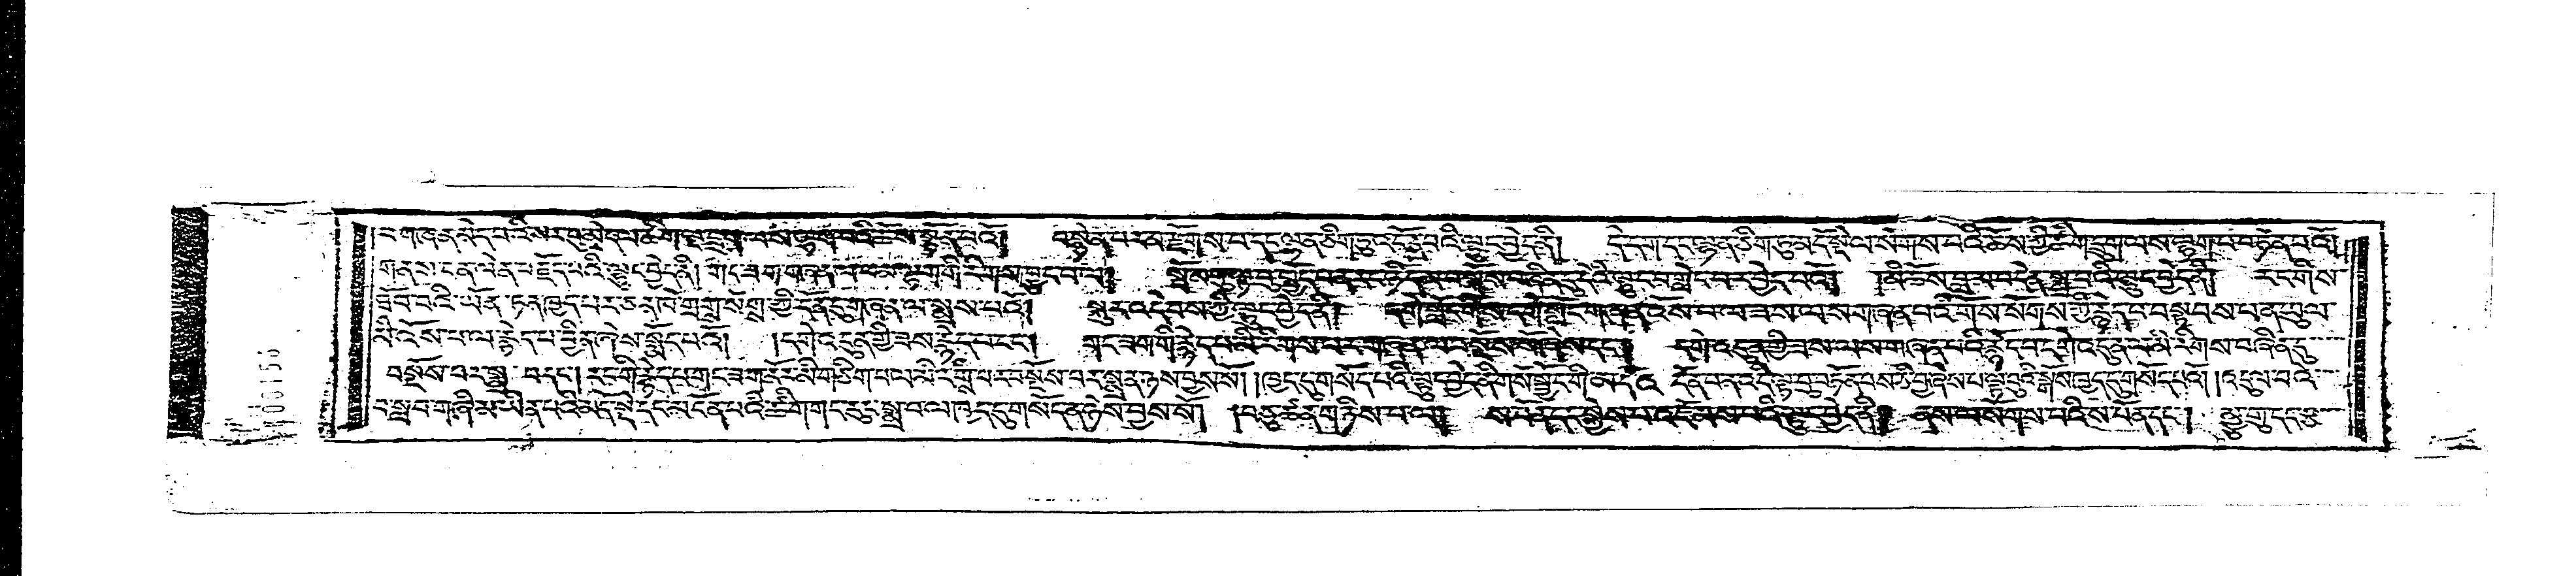བ་གཞན་མེད་པའི་སར་བུ་མེད་ལ་ཚིག་ལྔ་དྲུག་ལས་ལྷག་པའི་ཆོས་སྟོན་པའོ། བསྙེན་པར་མ་རྫོགས་པ་དང་ལྷན་ཅིག་ཏུ་འདོན་པའི་ལྟུང་བྱེད་ནི། དེ་དག་དང་ལྷན་ཅིག་ཏུ་མདོ་སྡེ་ལ་སོགས་པའི་ཆོས་ཀྱི་ཚིག་དྲུག་ལས་ལྷག་པ་བཏོན་པའོ།།
གནས་ངན་ལེན་བརྗོད་པའི་ལྟུང་བྱེད་ནི། གང་ཟག་གཞན་ལ་ཕམ་ལྷག་གི་རིགས་བྱུང་བ་ལ། སྤོ་མགུ་ལྟ་བུ་སྤྱོད་པ་ན་རང་ཉིད་མ་བསྐོས་བཞིན་དུ་དེའི་ལྟུང་བ་གླེང་བར་བྱེད་པའོ། །མི་ཆོས་བླ་མ་བདེན་སྨྲ་བའི་ལྟུང་བྱེད་ནི། རང་གིས་
ཐོབ་པའི་ཡོན་ཏན་ཁྱད་པར་ཅན་ཁོ་གྲགས་སོགས་ཀྱི་དོན་དུ་གཞན་ལ་སྨྲས་པའོ། སྐུར་འདེབས་ཀྱི་ལྟུང་བྱེད་ནི། དགེ་སློང་གིས་དགེ་སློང་གཞན་འོས་པ་ལ་ཟས་ལས་གཞན་པའི་གོས་སོགས་ཀྱི་རྙེད་པ་བསྟབས་པ་ན་ཡུལ་
མི་འོས་པ་ལ་རྙེད་པ་བྱིན་ཞེས་སྨོད་པའོ། །དགེ་འདུན་གྱི་ཟས་རྙེད་པ་དང་། གང་ཟག་གི་རྙེད་པ་མི་རིགས་པར་གཞན་ལ་བསྔོས་སོ་ཞེས་དང་། དགེ་འདུན་གྱི་ཟས་ལས་གཞན་པའི་རྙེད་པ་དགེ་འདུན་ལ་མི་རིགས་བཞིན་དུ་
བསྔོས་པར་སྨྲ་བ་དང་། རང་གི་རྙེད་པ་གང་ཟག་ནོར་མི་གཅིག་པ་ལ་མི་རིགས་པར་བསྔོས་པར་སྨྲ་ན་ཉས་བྱས་སོ། །ཁྱད་དུ་གསོད་པའི་ལྟུང་བྱེད་ནི་གསོ་སྦྱོང་གི་མདོ་འདོན་པ་ན་འདི་ལྟ་བུ་བཏོན་པས་ཅི་བྱ་ཞེས་པ་ལྟ་བུའི་སྒོས་ཁྱད་དུ་གསོད་པའོ། །འདུལ་བའི་
བསླབ་གཞི་མ་ཡིན་པའི་མདོ་སྡེ་དང་མངོན་པའི་ཚིག་གང་རུང་སྨྲ་བ་ལ་ཁྱད་དུ་གསོད་ན་ཉེས་བྱས་སོ། །བཅུ་ཚན་གཉིས་པ་ལ། ས་བོན་དང་སྐྱེས་པ་འཇོམས་པའི་ལྟུང་བྱེད་ནི། ནས་ལ་སོགས་པའི་ས་བོན་དང་། མྱུ་གུ་དང་རྩ་